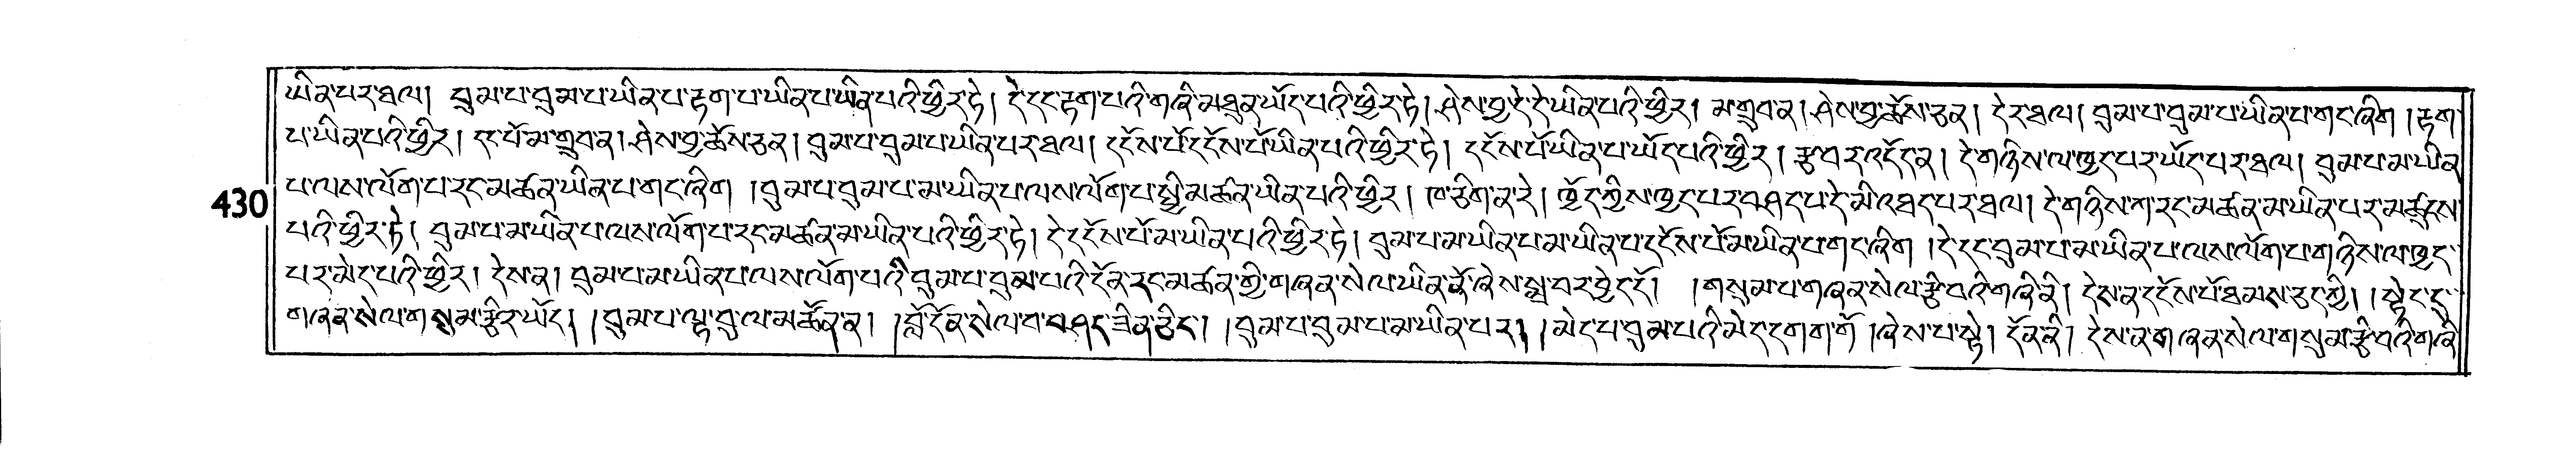ཡིན་པར་ཐལ། བུམ་པ་བུམ་པ་ཡིན་པ་རྟག་པ་ཡིན་པ་ཡིན་པའི་ཕྱིར་ཏེ། དེ་དང་རྟག་པའི་གཞི་མཐུན་ཡོད་པའི་ཕྱིར་ཏེ། ཤེས་བྱ་དེ་དེ་ཡིན་པའི་ཕྱིར། མ་གྲུབ་ན། ཤེས་བྱ་ཆོས་ཅན། དེར་ཐལ། བུམ་པ་བུམ་པ་ཡིན་པ་གང་ཞིག། རྟག་
པ་ཡིན་པའི་ཕྱིར། དང་པོ་མ་གྲུབ་ན། ཤེས་བྱ་ཆོས་ཅན། བུམ་པ་བུམ་པ་ཡིན་པར་ཐལ། དངོས་པོ་དངོས་པོ་ཡིན་པའི་ཕྱིར་ཏེ། དངོས་པོ་ཡིན་པ་ཡོད་པའི་ཕྱིར། རྩ་བར་འདོད་ན། དེ་གཉིས་ལ་ཁྱད་པར་ཡོད་པར་ཐལ། བུམ་པ་མ་ཡིན་
པ་ལས་ལོག་པ་རང་མཚན་ཡིན་པ་གང་ཞིག །བུམ་པ་བུམ་པ་མ་ཡིན་པ་ལས་ལོག་པ་སྤྱི་མཚན་ཡིན་པའི་ཕྱིར། །ཁ་ཅིག་ན་རེ། ཁྱོད་ཀྱིས་ཁྱད་པར་བཤད་པ་དེ་མི་འཐད་པར་ཐལ། དེ་གཉིས་ཀ་རང་མཚན་མ་ཡིན་པར་མཚུངས་
པའི་ཕྱིར་ཏེ། བུམ་པ་མ་ཡིན་པ་ལས་ལོག་པ་རང་མཚན་མ་ཡིན་པའི་ཕྱིར་ཏེ། དེ་དངོས་པོ་མ་ཡིན་པའི་ཕྱིར་ཏེ། བུམ་པ་མ་ཡིན་པ་མ་ཡིན་པ་དངོས་པོ་མ་ཡིན་པ་གང་ཞིག། དེ་དང་བུམ་པ་མ་ཡིན་པ་ལས་ལོག་པ་གཉིས་ལ་ཁྱད་
པར་མེད་པའི་ཕྱིར། དེས་ན།བུམ་པ་བུམ་ཡིན་པ་ལས་ལོག་པའི་བུམ་པ་བུམ་པའི་དོན་རང་མཚན་གྱི་གཞན་སེལ་ཡིན་ནོ་ཞེས་སྨྲ་བར་བཡད་དོ། ། གསུམ་པ་གཞན་སེལ་རྩི་བའི་གཞི་ནི། དེས་ན་དངོས་པོ་ཐམས་ཅད་ཀྱི། །སྟེང་དུ་
གཞན་སེལ་གསུམ་རྩིར་ཡོད། །བུམ་པ་ལྟ་བུ་ལ་མཚོན་ན། །བློ་དོན་སེལ་བ་བཤད་ཟིན་ཅིང་། །བུམ་པ་བུམ་པ་མ་ཡིན་པར། །མེད་པ་བུམ་པའི་མེད་དགག་གོ། །ཞེས་པ་སྟེ། དོན་ནི། དེས་ན་གཞན་སེལ་གསུམ་རྩི་བའི་གཞི་